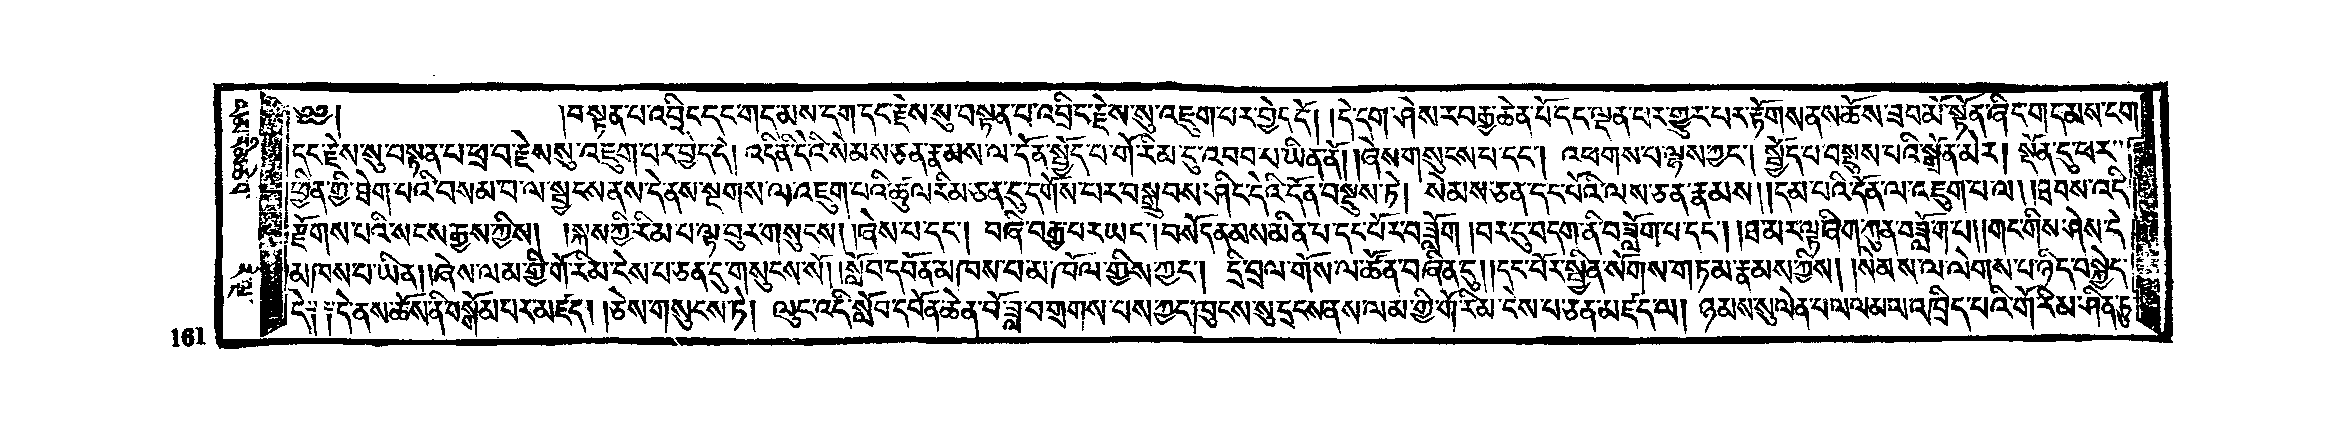༄༅། །བསྟན་པ་འབྲིང་དང་གདམས་ངག་དང་རྗེས་སུ་བསྟན་པ་འབྲིང་རྗེས་སུ་འཇུག་པར་བྱེད་དོ། །དེ་དག་ཤེས་རབ་རྒྱ་ཆེན་པོ་དང་ལྡན་པར་གྱུར་པར་རྟོགས་ནས་ཆོས་ཟབ་མོ་སྟོན་ཞིང་གདམས་ངག་
དང་རྗེས་སུ་བསྟན་པ་ཕྲ་བ་རྗེས་སུ་འཇུག་པར་བྱེད་དེ། འདི་ནི་དེའི་སེམས་ཅན་རྣམས་ལ་དོན་སྤྱོད་པ་གོ་རིམ་དུ་འབབ་པ་ཡིན་ནོ། །ཞེས་གསུངས་པ་དང་། འཕགས་པ་ལྷས་ཀྱང་། སྤྱོད་པ་བསྡུས་པའི་སྒྲོན་མེར། སྔོན་དུ་ཕར་
ཕྱིན་གྱི་ཐེག་པའི་བསམ་པ་ལ་སྦྱངས་ནས་དེ་ནས་སྔགས་ལ་འཇུག་པའི་ཚུལ་རིམ་ཅན་དུ་དགོས་པར་བསྒྲུབས་ཤིང་དེའི་དོན་བསྡུས་ཏེ། སེམས་ཅན་དང་པོའི་ལས་ཅན་རྣམས། །དམ་པའི་དོན་ལ་འཇུག་པ་ལ། །ཐབས་འདི་
རྫོགས་པའི་སངས་རྒྱས་ཀྱིས། །སྐས་ཀྱི་རིམ་པ་ལྟ་བུར་གསུངས། །ཞེས་པ་དང་། བཞི་བརྒྱ་པར་ཡང་། བསོད་ནམས་མིན་པ་དང་པོར་བཟློག །བར་དུ་བདག་ནི་བཟློག་པ་དང་། །ཐ་མར་ལྟ་ཞིག་ཀུན་བཟློག་པ། །གང་གིས་ཤེས་དེ་
མཁས་པ་ཡིན། །ཞེས་ལམ་གྱི་གོ་རིམ་ངེས་པ་ཅན་དུ་གསུངས་སོ། །སློབ་དཔོན་མཁས་པ་མ་ཁོལ་གྱིས་ཀྱང་། དྲི་བྲལ་གོས་ལ་ཚོན་བཞིན་དུ། །དང་པོར་སྦྱིན་སོགས་གཏམ་རྣམས་ཀྱིས། །སེམས་ལ་ལེགས་པ་ཉིད་བསྐྱེད་
དེ། །དེ་ནས་ཆོས་ནི་བསྒོམ་པར་མཛད། །ཅེས་གསུངས་ཏེ། ལུང་འདི་སློབ་དཔོན་ཆེན་པོ་ཟླ་བ་གྲགས་པས་ཀྱང་ཁུངས་སུ་དྲངས་ནས་ལམ་གྱི་གོ་རིམ་ངེས་པ་ཅན་མཛད་ལ། ཉམས་སུ་ལེན་པ་ལ་ལམ་ལ་འཁྲིད་པའི་གོ་རིམ་ཤིན་ཏུ་